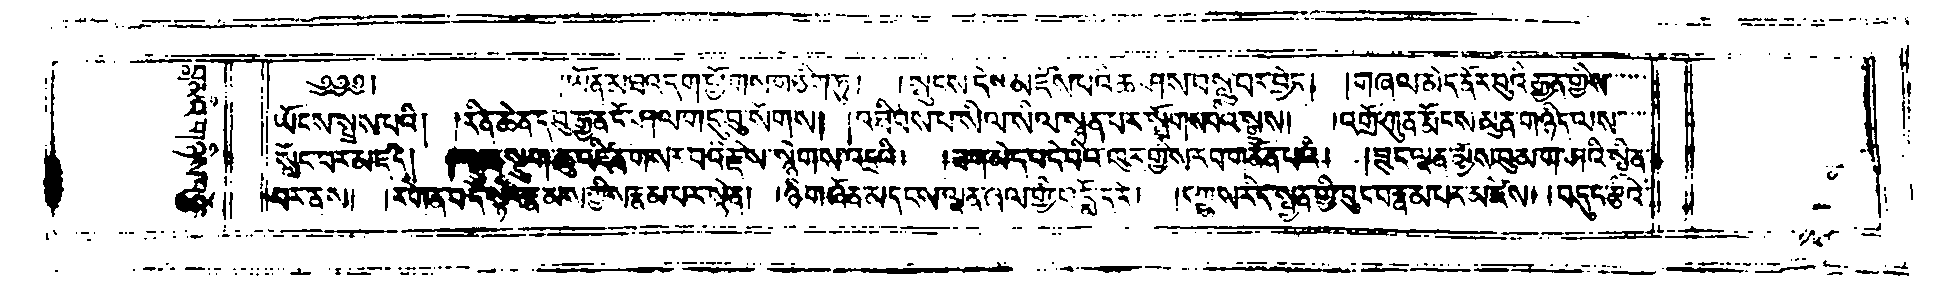༄༅༅། །ཡོན་མཐའ་དག་ཕྱོགས་གཅིག་ཏུ། །སྤུངས་དེས་མཛེས་པའི་ཆ་ཤས་བསླུ་བར་བྱེད། །གཞལ་མེད་ནོར་བུའི་རྒྱན་གྱིས་
ཡོངས་སྤྲས་པའི། །རིན་ཆེན་དབུ་རྒྱན་དོ་ཤལ་གདུ་བུ་སོགས། །འཐིབས་པ་སིལ་སིལ་སྙན་པར་སྒྲོགས་པའི་སྒྲས། །འགྲོ་ཀུན་རྨོངས་མུན་གཉིད་ལས་
སློང་བར་མཛད། །ལྷུན་སྡུག་ཆུ་འཛིན་གསར་བའི་རྗེས་སྙེགས་འདྲའི། །ཟག་མེད་བདེ་བའི་ཁུར་གྱིས་རབ་གནོན་པའི། །ཟུང་ལྡན་མྱོས་བུམ་ག་ཤའི་སྤྲིན་
བར་ནས། །རེག་ན་བདེ་སྟེར་རྣམས་ཀྱིས་རྣམ་པར་སྙེན། །ཉི་གཞོན་མདངས་ལྡན་ཞལ་གྱི་པདམོ་དེར། །དཀྱུས་རིང་སྤྱན་གྱི་བུང་བ་རྣམ་པར་མཛེས། །བདུད་རྩིའི་